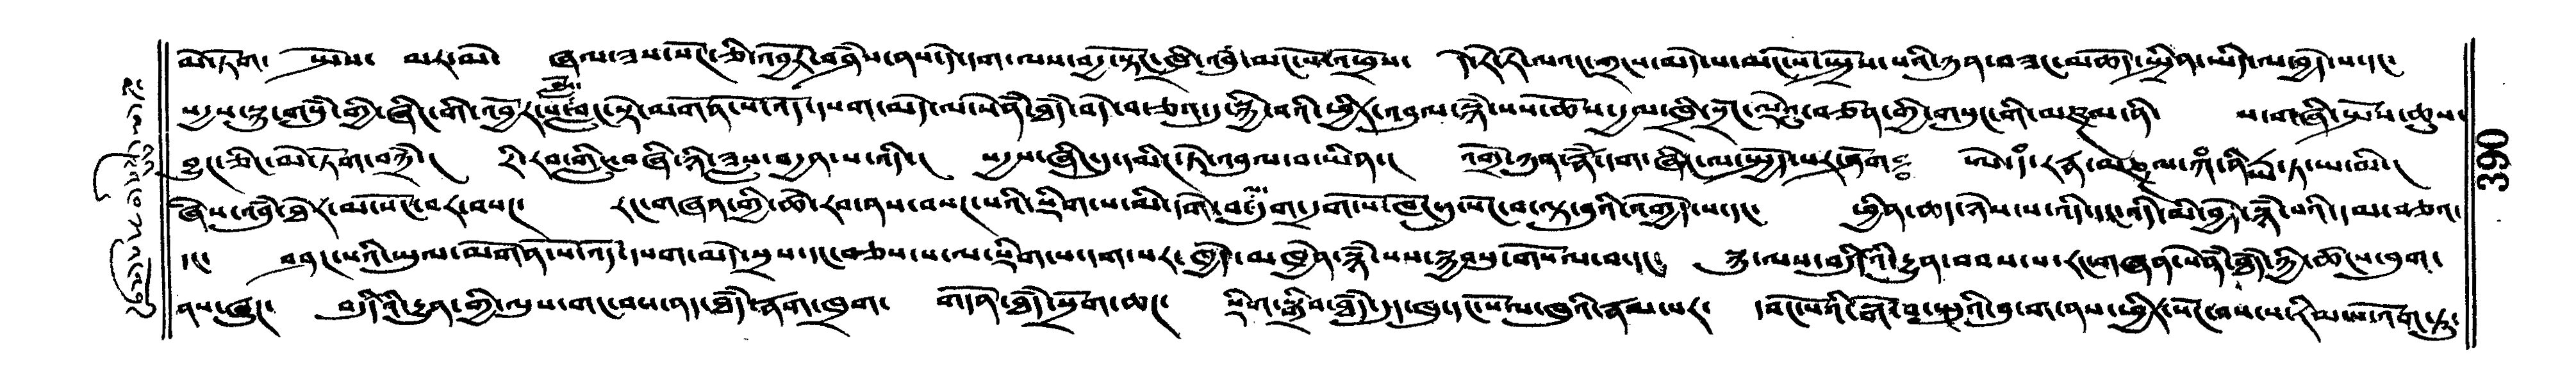མེ་ཏོག སྤོས། མར་མེ། ཞལ་ཟས་སོགས་ཅི་འབྱོར་བཤམས་ནས་དེ་དག་ལས་བརྒྱ་སྟོང་ཁྲི་འབུམ་མང་པོ་འཕྲོས། དེ་རེ་རེ་ལའང་གྲངས་མེད་པ་མང་པོ་སྤྲོས་པའི་ཀུན་བཟང་མཆོད་སྤྲིན་ཡིད་ལ་བྱེད་པ་དང་། 
སངས་རྒྱས་སྐུ་གསུམ་གྱི་ཞིང་གི་འབྱོར་པ་བློས་བླངས་ཏེ་མགོན་པོ་འོད་དཔག་མེད་ལ་སེམས་ཅན་ཐམས་ཅད་བདེ་བ་ཅན་དུ་སྐྱེ་བའི་ཕྱིར་འབུལ་སྙམ་པས་ཆོས་རྒྱལ་ཁྲི་སྲོང་ལྡེའུ་བཙན་གྱིས་གསུངས་པའི་མཎྜལ་ནི། ས་གཞི་སྤོས་ཆུས་
བྱུགས་ཤིང་མེ་ཏོག་བཀྲམ། །རི་རབ་གླིང་བཞི་ཉི་ཟླས་བརྒྱན་པ་འདི། །སངས་རྒྱས་ཞིང་དུ་དམིགས་ཏེ་ཕུལ་བ་ཡིས། འགྲོ་ཀུན་རྣམ་དག་ཞིང་ལ་སྤྱོད་པར་ཤོག ཨི་དཾ་རཏྣ་མཎྜ་ལ་ཀཾ་ནིརྻ་ཏ་ཡ་མི། 
ཞེས་འབུམ་ཐེར་མ་སོང་བར་བསག རང་གཞན་གྱི་ཚེ་རབས་ནས་བསགས་པའི་སྡིག་པ་མི་དགེ་བ་ལ་དུག་དྲག་པོ་ཁོང་དུ་སོང་བ་ལྟ་བུའི་འགྱོད་པ་དང་། ཕྱིན་ཆད་ཉེས་པ་འདི་དང་འདི་མི་བྱེད་སྙམ་པའི་དམ་བཅའ་
དང་། བཤགས་པའི་ཡུལ་མགོན་པོ་འོད་དཔག་མེད་སྲས་དང་བཅས་པ་ལ་སྡིག་པ་དག་པར་ཁྱེད་མཁྱེན་སྙམ་པས་སྐྱབས་སུ་གསོལ་བ་དང་།སྐུ་ལས་བདུད་རྩི་རྒྱུན་བབས་པ་རང་གཞན་སེམས་ཅན་ཐམས་ཅད་ཀྱི་ཚངས་བུག་
ནས་ཞུགས། བདུད་རྩི་རྒྱུན་གྱིས་ལུས་གང་བས་ནད་ཐམས་ཅད་རྣག་ཁྲག གདོན་ཐམས་ཅད་སྲོག་ཆགས། སྡིག་སྒྲིབ་ཐམས་ཅད་དུད་ཁུ་དང་སོལ་ཁུའི་རྣམ་པར་དབང་པོའི་སྒོ་བ་སྤུའི་བུ་ག་ནས་ཕྱིར་སོང་བས་ས་རིམ་པ་དགུའི་འོག་ཏུ་